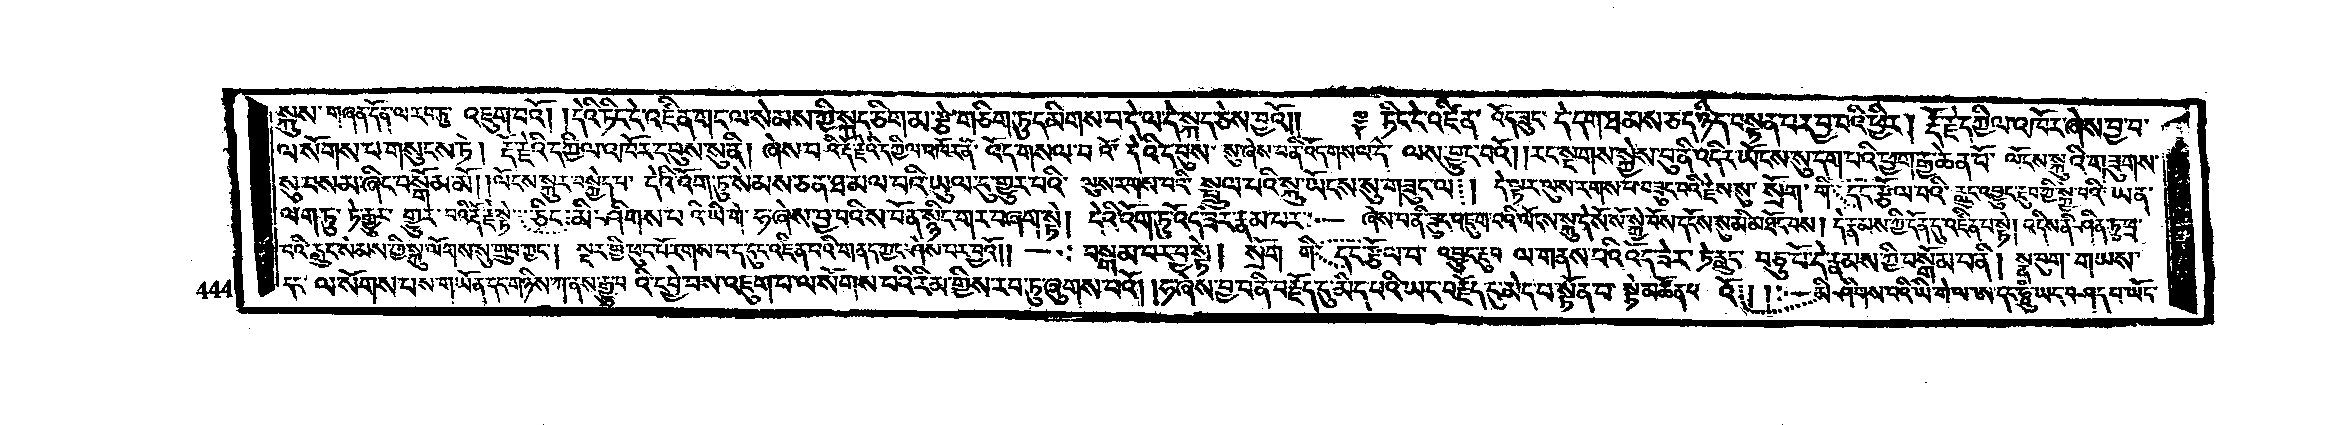སྐུས་གཞན་དོན་ལ་རབ་ཏུ་འཇུག་པའོ། །དེའི་ཏིང་ངེ་འཛིན་གང་ལ་སེམས་ཀྱི་སྐད་ཅིག་མ་རྩེ་གཅིག་ཏུ་དམིགས་པ་དེ་ལ་དེ་སྐད་ཅེས་བྱའོ།། ༈ ཏིང་ངེ་འཛིན་འོད་ཟུང་དེ་དག་ཐམས་ཅད་ཉིད་བསྟན་པར་བྱ་བའི་ཕྱིར། རྡོ་རྗེ་དཀྱིལ་འཁོར་ཞེས་བྱ་བ་
ལ་སོགས་པ་གསུངས་ཏེ། རྡོ་རྗེའི་དཀྱིལ་འཁོར་དབུས་སུ་ནི། ཞེས་པའི་རྡོ་རྗེའི་དཀྱིལ་འཁོར་ནི་འོད་གསལ་བའོ་དེའི་དབུས་སུ་ཞེས་པ་ནི་འོད་གསལ་དེ་ལས་བྱུང་བའོ། །རང་སྔགས་སྐྱེས་བུ་ནི་འདིར་ཡོངས་སུ་དག་པའི་ཕྱག་རྒྱ་ཆེན་པོ་ལོངས་སྐུའི་གཟུགས་
སུ་བསམ་ཞིང་བསྒོམ་མོ། ། ལོངས་སྐུར་བསྐྱེད་པ་དེའི་འོག་ཏུ་སེམས་ཅན་ཐ་མལ་བའི་ཡུལ་དུ་གྱུར་པའི་ལུས་རགས་པའི་སྤྲུལ་པའི་སྐུ་ཡོངས་སུ་གཟུང་ལ། དེ་ལྟར་ལུས་རགས་པ་བཟུང་བའི་རྗེས་སུ་སྲོག་གི་དང་རྩོལ་བའི་རླུང་འབྱུང་རྡུབ་ཀྱི་སྐྱེ་བའི་ཡན་
ལག་ཏུ་ཏེ་རྒྱུར་གྱུར་པའི་རྡོ་རྗེ་སྟེ་ཅིང་མི་ཤིགས་པའི་ཡི་གེ་ཧ་ཞེས་བྱ་བའི་ས་བོན་སྙང་གར་བཞག་སྟེ། དེའི་འོག་ཏུ་འོད་ཟེར་རྣམ་པར་H.་ཞེས་པ་ནི་ཟུང་འཇུག་པའི་ལོངས་སྐུ་དེ་སོ་སོ་སྐྱེ་བོས་དངོས་སུ་མི་མཐོང་བས། དེ་རྣམས་ཀྱི་དོན་དུ་འཛིན་པ་སྟེ། འདིས་ནི་ཤིན་ཏུ་ཕྲ་
བའི་རླུང་སེམས་ཀྱི་སྐུ་ལོགས་སུ་གྲུབ་ཀྱང་། སྔར་གྱི་ཕུང་པོ་རགས་པ་ད་དུང་འཛིན་པའི་གནད་ཀྱང་ཤེས་པར་བྱའོ།། .Hབསྒོམ་པར་བྱ་སྟེ། སྲོག་གི་དང་རྩོལ་བ་འབྱུང་རྡུབ་ལ་གནས་པའི་འོད་ཟེར་ཏེ་རླུང་བཅུ་པོ་དེ་རྣམས་ཀྱི་བསྒོམ་པ་ནི། སྣ་བུག་གཡས་
དང་ལ་སོགས་པས་གཡོན་དང་གཉིས་ཀ་ནས་རྒྱུ་བའི་དབྱེ་བས་འཇུག་པ་ལ་སོགས་པའི་རིམ་གྱིས་རབ་ཏུ་ཞུགས་པའོ། །ཧ་ཞེས་བྱ་བ་ནི་བརྗོད་དུ་མེད་པའི་ཡང་བརྗོད་དུ་མེད་པ་སྟོན་པ་སྟེ་མཚོན་པའོ། ། H.་མི་ཤིགས་པའི་ཡི་གེ་ལ་ཨ་དང་ཧཱུཾ་ཡང་བཤད་པ་ཡོད་